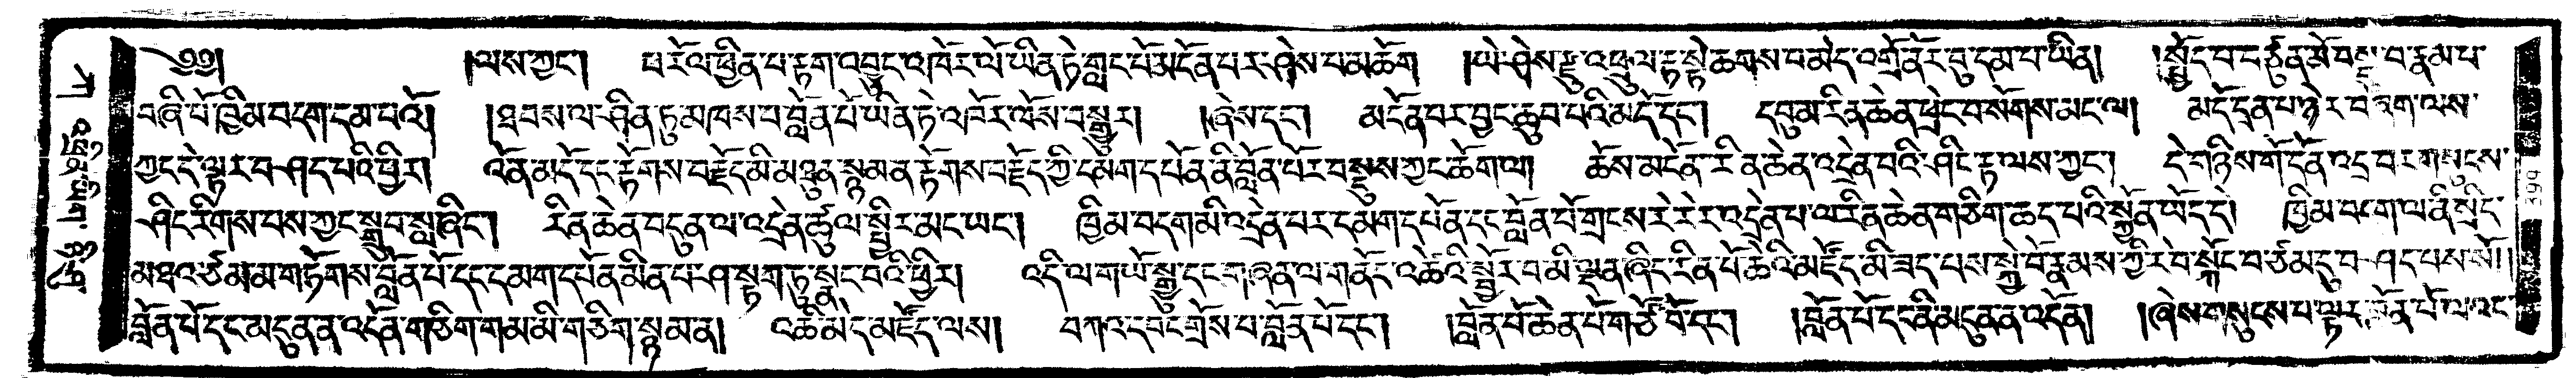༄༅། །ལས་ཀྱང་། ཕ་རོལ་ཕྱིན་པ་རྟག་འབྱུང་འཁོར་ལོ་ཡིན་ཏེ་གླང་པོ་མངོན་པར་ཤེས་པ་མཆོག །ཡེ་ཤེས་རྫུ་འཕྲུལ་རྟ་སྟེ་ཆགས་བ་མེད་འགྲོ་ནོར་བུ་དམ་པ་ཡིན། །སྤྱོད་པ་བཙུན་མོ་བསྡུ་བ་རྣམ་པ་
བཞི་པོ་ཁྱིམ་བདག་དམ་པའོ། །ཐབས་ལ་ཤིན་ཏུ་མཁས་པ་བློན་པོ་ཡིན་ཏེ་འཁོར་ལོས་བསྒྱུར། །ཞེས་དང་། མངོན་པར་བྱང་ཆུབ་པའི་མདོ་དང་། དབུ་མ་རིན་ཆེན་ཕྲེང་བ་སོགས་མང་ལ། མདོ་དྲན་པ་ཉེར་བཞག?་ལས་
ཀྱང་དེ་ལྟར་བཤད་པའི་ཕྱིར། འོན་མདོ་དང་རྟོགས་བརྗོད་མི་མཐུན་སྙམ་ན་རྟོགས་བརྗོད་ཀྱི་དམག་དཔོན་ནི་བློན་པོར་བསྡུས་ཀྱང་ཆོག་ལ། ཆོས་མདོན་རིན་ཆེན་འདྲེན་པའི་ཤིང་རྟ་ལས་ཀྱང་། དེ་གཉིས་གོ་དོན་འདྲ་བར་གསངས་
ཤིང་རིགས་པས་ཀྱང་སྒྲུབ་སླ་ཞིང་། རིན་ཆེན་བདུན་ལ་འདྲེན་ཚུལ་སྤྱིར་མང་ཡང་། ཁྱིམ་བདག་མི་འདྲེན་པར་དམག་དཔོན་དང་བློན་པོ་གྲངས་རེ་རེད་འདྲེན་པ་ལ་རིན་ཆེན་གཅིག་ཆད་པའི་སྐྱོན་ཡོད་དེ། ཁྱིམ་བདག་ལ་ནི་སྲིད་
མཐའ་ཙམ་མ་གཏོགས་བློན་པོ་དང་དམན་དཔོན་མིན་པ་ཤ་སྟག་ཏུ་སྣང་བའི་ཕྱིར། འདི་ལ་གཡོ་སྒྱུ་དང་གཞན་ལ་གནོད་འཚེའི་སྦྱོར་མ་མི་ལྡན་ཞིང་རིན་པོ་ཆེའི་མཛོད་མི་ཟད་པས་སྐྱེ་བོ་རྣམས་ཀྱི་རེ་བ་སྐོང་བ་ཙམ་དུ་བཤད་པས་སོ། །
བློན་པ་དང་མདུན་ན་འདོན་གཅིག་གམ་མི་གཅིག་སྙམ་ན། འཆི་མེད་མཛོད་ལས། བཀའ་དབང་གྲོས་བ་བློན་པོ་དང་། །བློན་པོ་ཆེན་པོ་གཙོ་བོ་དང་། བློན་པོ་དང་ནི་མདུན་ན་འདོན། །ཞེས་གསུངས་པ་ལྟར་བྱོན?་པོ་ལའང་